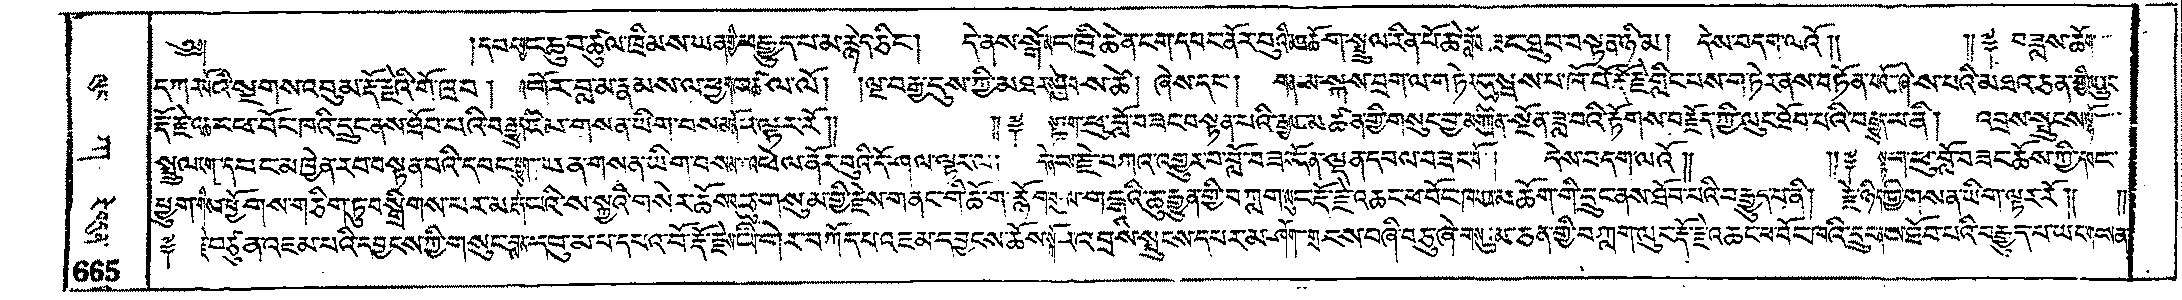༄༅། །དབང་བྱང་ཆུབ་ཚུལ་ཁྲིམས་ཡན་གྱི་བརྒྱུད་པ་མ་རྙེད་ཅིང་། དེ་ནས་སྒོ་མང་ཁྲི་ཆེན་ངག་དབང་ནོར་བུའི་མཆོག་སྤྲུལ་རིན་པོ་ཆེ་བློ་བཟང་ཐུབ་བསྟན་ཉི་མ། དེས་བདག་ལའོ།། །།འ་བཟླས་ཆོག་
དཀར་པོའི་སྔགས་འབུམ་རྡོ་རྗེའི་གོ་ཁྲབ། འགོར་བླ་མ་རྣམས་ལ་ཕྱག་འཚལ་ལོ། །ལྔ་བརྒྱ་དུས་ཀྱི་མཐར་སླེབས་ཚེ། ཞེས་དང་། གནམ་སྐས་བྲག་ལ་གཏེར་དུ་སྦས་པ་ཁོ་བོ་རྡོ་རྗེ་གླིང་པས་གཏེར་ནས་བཏོན་པའོ་ཞེས་པའི་མཐའ་ཅན་གྱི་ལུང་
རྡོ་རྗེ་འཆང་ཕ་བོང་ཁའི་དྲུང་ནས་ཐོབ་པའི་བརྒྱུད་རིམ་གསན་ཡིག་བསམ་ནོར་ལྟར་རོ།། །།འ་སྟག་ཕུ་བློ་བཟང་བསྟན་པའི་རྒྱལ་མཚན་གྱི་གསུང་བྱ་མགྲིན་སྔོན་ཟླ་བའི་རྟོགས་བརྗོད་ཀྱི་ལུང་ཐོབ་པའི་བརྒྱུད་པ་ནི། འབྲས་སྤུངས་ལྷོ་
སྤྲུལ་ངག་དབང་མཁྱེན་རབ་བསྟན་པའི་དབང་ཕྱུག་ཡན་གསན་ཡིག་བསམ་འཕེལ་ནོར་བུའི་དོ་ཤལ་ལྟར་ལ། དེ་ནས་རྗེ་བཀའ་འགྱུར་བ་བློ་བཟང་དོན་ལྡན་དཔལ་བཟང་པོ། དེས་བདག་ལའོ།། །།འ་སྟག་ཕུ་བློ་བཟང་ཆོས་ཀྱི་དབང་
ཕྱུག་གིས་ཕྱོགས་གཅིག་ཏུ་བསྒྲིགས་པར་མཛད་པའི་ས་སྐྱའི་གསེར་ཆོས་བཅུ་གསུམ་གྱི་རྗེས་གནང་གི་ཆོ་ག་རྙོག་བྲལ་གངྒཱའི་ཆུ་རྒྱུན་གྱི་བཀླག་ལུང་རྡོ་རྗེ་འཆང་ཕ་བོང་ཁ་པ་མཆོག་གི་དྲུང་ནས་ཐོབ་པའི་བརྒྱུད་པ་ནི། རྗེ་ཉིད་ཀྱི་གསན་ཡིག་ལྟར་རོ།། །།
འ་རྗེ་བཙུན་འཇམ་པའི་དབྱངས་ཀྱི་གསུང་བླ་མ་དབུ་མ་པ་དཔའ་བོ་རྡོ་རྗེས་ཡི་གེར་བཀོད་པ་འཇམ་དབྱངས་ཆོས་སྐོར་འབྲས་སྤུངས་དཔར་མ་ཤོག་གྲངས་བཞི་བཅུ་ཞེ་གསུམ་ཅན་གྱི་བཀླག་ལུང་རྡོ་རྗེ་འཆང་ཕ་བོང་ཁའི་དྲུང་ནས་ཐོབ་པའི་བརྒྱུད་པ་ཡང་གསན་